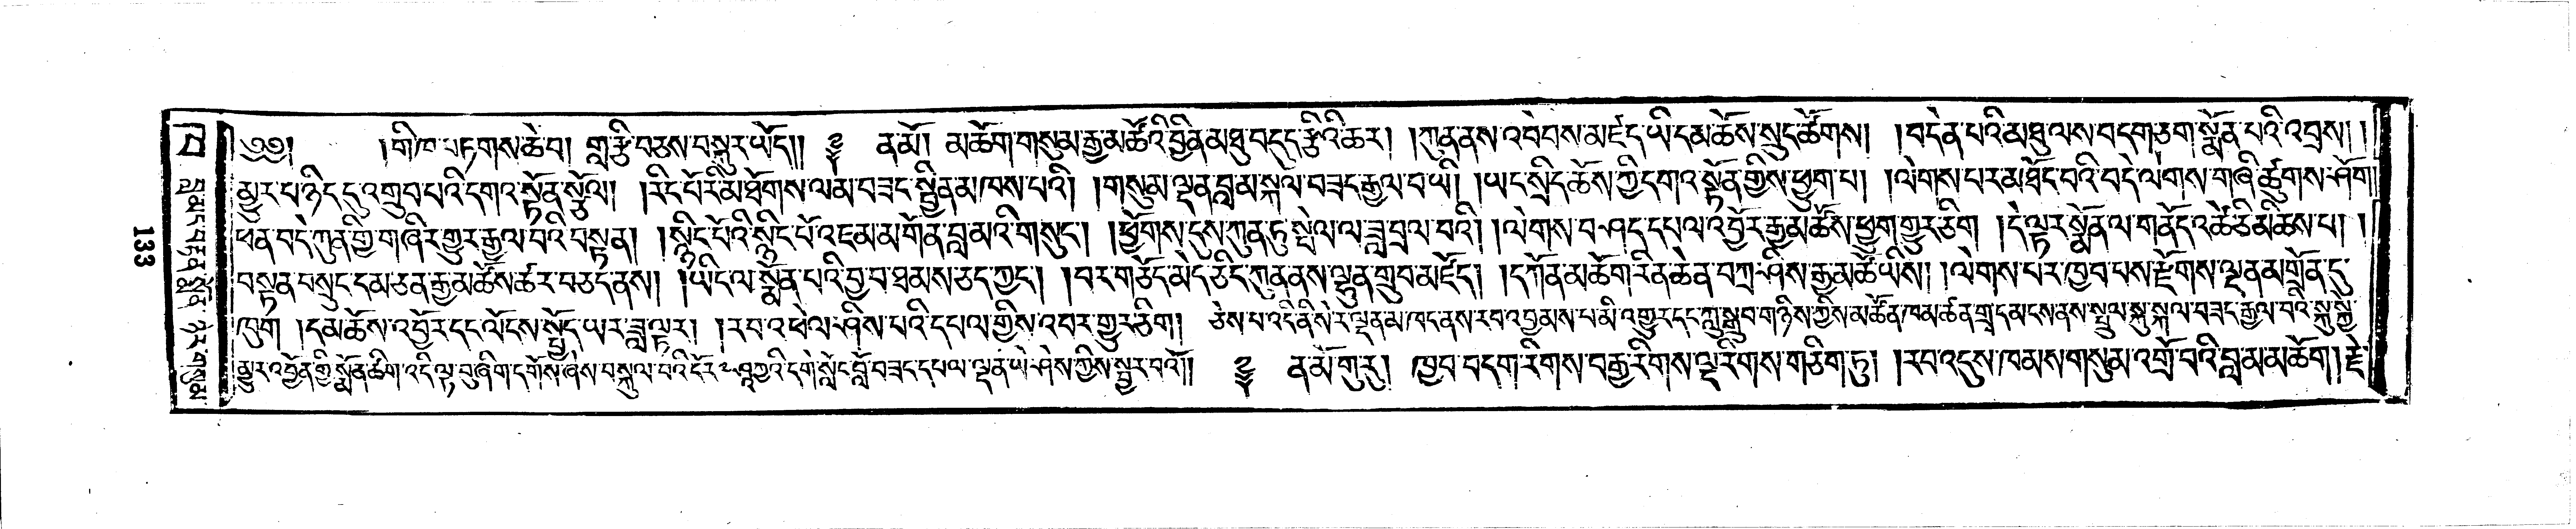༄༅། །གི་ཁ་བཏགས་ཆེ་བ། གླ་རྩི་བཅས་བསྐུར་ཡོད།། ༈ ན་མོ། མཆོག་གསུམ་རྒྱ་མཚོའི་བྱིན་མཐུ་བདུད་རྩིའི་ཆར། །ཀུན་ནས་འབེབས་མཛད་ཡི་དམ་ཆོས་སྲུང་ཚོགས། །བདེན་པའི་མཐུ་ལས་བདག་ཅག་སྨོན་པའི་འབྲས།།
མྱུར་པ་ཉིད་དུ་འགྲུབ་པའི་དགའ་སྟོན་སྩོལ། །རིང་པོ་རི་མ་ཐོགས་ལམ་བཟང་སྦྱིན་མཁས་པའི། །གསུམ་ལྡན་བླ་མ་སྐལ་བཟང་རྒྱལ་བ་ཡི། །ཡང་སྲིད་ཆོས་ཀྱི་དགའ་སྟོན་གྱིས་ཕྱུག་པ། །ལེགས་པར་མཐོང་བའི་བདེ་ལེགས་གཞི་ཚུགས་ཤོག།
ཕན་བདེ་ཀུན་གྱི་གཞིར་གྱུར་རྒྱལ་བའི་བསྟན། །སྙིང་པོའི་སྙིང་པོ་འཇམ་མགོན་བླ་མའི་གསུང་། །ཕྱོགས་དུས་ཀུན་ཏུ་སྤེལ་ལ་ཟླ་བྲལ་བའི། །ལེགས་བཤད་དཔལ་འབྱོར་རྒྱ་མཚོས་ཕྱུག་གྱུར་ཅིག །དེ་ལྟར་སྨོན་ལ་གནོད་འཚེ་ཅི་མཆིས་པ། །
བསྟན་བསྲུང་དམ་ཅན་རྒྱ་མཚོས་ཚར་བཅད་ནས། །ཡིད་ལ་སྨོན་པའི་བྱ་བ་ཐམས་ཅད་ཀྱང་། །བར་གཅོད་མེད་ཅིང་ཀུན་ནས་ལྷུན་གྲུབ་མཛོད། །དཀོན་མཆོག་རིན་ཆེན་བཀྲ་ཤིས་རྒྱ་མཚོ་ཡིས། །ལེགས་པར་ཁྱབ་པས་རྫོགས་ལྡན་མགྲོན་དུ་
ཁུག །དམ་ཆོས་འབྱོར་དང་ལོངས་སྤྱོད་ཡར་ཟླ་ལྟར། །རབ་འཕེལ་ཤིས་པའི་དཔལ་གྱིས་འབར་གྱུར་ཅིག། ཅེས་པ་འདི་ནི་སེར་ལྡན་མ་ཁང་ནས་རབ་འབྱམས་པ་མི་འགྱུར་དང་ཀླུ་སྒྲུབ་གཉིས་ཀྱིས་མཚོན་ཁ་མཚན་གྲྭ་དམངས་ནས་སྤྲུལ་སྐུ་སྐལ་བཟང་རྒྱལ་བའི་སྐུ་སྐྱེ་
མྱུར་འབྱོན་གྱི་སྨོན་ཚིག་འདི་ལྟ་བུ་ཞིག་དགོས་ཞེས་བསྐུལ་བའི་ངོར་༧་ཤཱཀྱའི་དགེ་སློང་བློ་བཟང་དཔལ་ལྡན་ཡེ་ཤེས་ཀྱིས་སྦྱར་བའོ།། ༈ ན་མོ་གུ་རུ། ཁྱབ་བདག་རིགས་བརྒྱ་རིགས་ལྔ་རིགས་གཅིག་ཏུ། །རབ་འདུས་ཁམས་གསུམ་འགྲོ་བའི་བླ་མ་མཆོག །རྗེ་